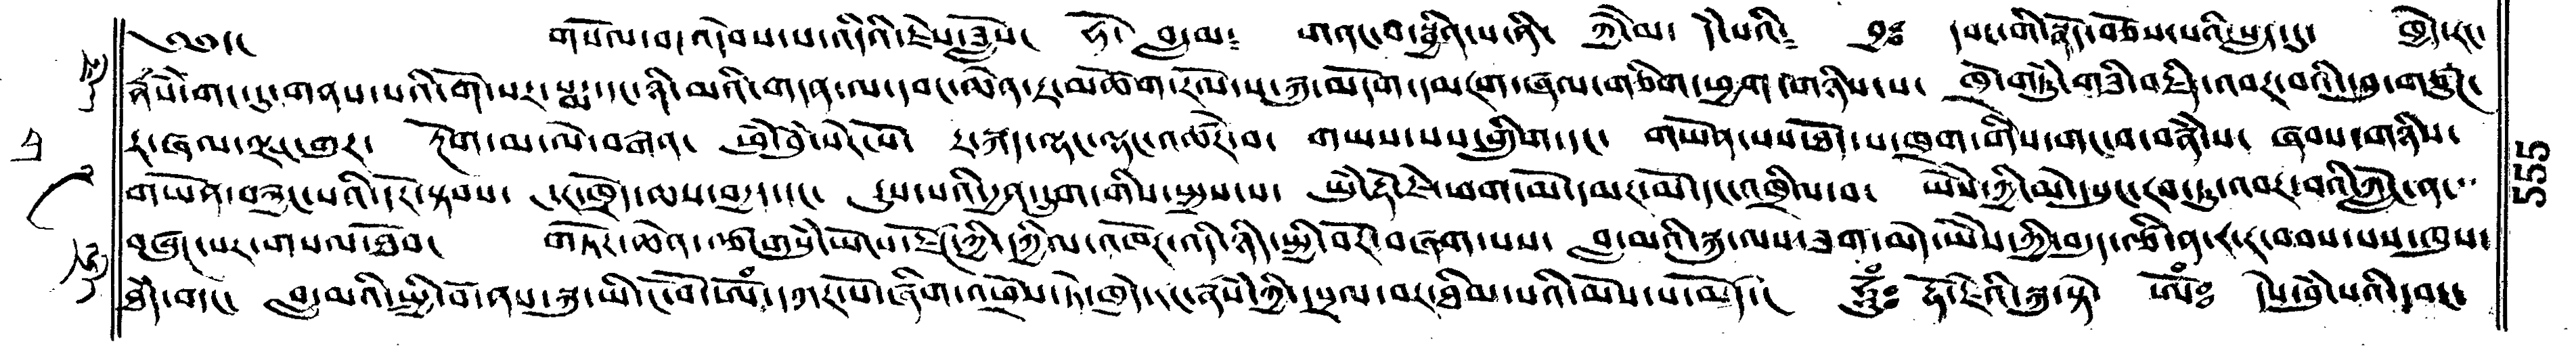གསོལ་བ་འདེབས་པ་འདིའི་རྗེས་ཟློས། ཧོ། བླ་མ༴ གནང་བ་སྦྱིན་པ་ནི། ཀྱཻ་མ། དམ་པའི༴ བྱ༔ དབང་གི་སྣོད་བཅོས་པའི་སླད་དུ། ཁྱེད་རང་
རྣམས་གང་དུ་གནས་པའི་གོ་སར་པདྨ་དང་ཉི་མའི་གདན་ལ་དབང་ཆེན་རྟ་མཆོག་རོལ་པ་སྐུ་མདོག་དམར་ནག་ཞལ་གཅིག་ཕྱག་གཉིས་པ། ཁྲོ་གཏུམ་གཟི་བརྗིད་འབར་བའི་དབུ་གཙུག་
རྟ་ཞལ་ལྗང་གུ། རྔོག་མ་ལེ་བསྒན། ཕུམ་བུམ་སེར་པོ། རྟ་སྐད་ལྷང་ལྷང་འཚོར་བ། གཡས་པས་གྲི་ཁུག་དང་། གཡོན་པས་ཐོད་པ་ཁྲག་གིས་གང་བ་བསྣམ་པ། ཞབས་གཉིས་
གཡོན་བསྐྱང་པའི་དོར་སྟབས། དུད་ཁྲོད་ཆས་བརྒྱད་དང་། རུས་པའི་རྒྱན་དྲུག་གིས་སྤྲས་པ། ཡུམ་རྡོ་རྗེ་ཕག་མོ་དམར་མོ་འཁྲིལ་བ། ཡེ་ཤེས་ཀྱི་མེ་དཔུང་རབ་ཏུ་འབར་བའི་ཀློང་ན་
བཞུགས་པར་གསལ་ཐོབ། གཏོར་ཆེན་རྩ་གསུམ་ཡོངས་རྫོགས་ཀྱི་དཀྱིལ་འཁོར་འདི་ཉིད་སྤྱི་བོར་བཞག་པས། བླ་མའི་སྐུ་ལས་ཟག་མེད་ཡེ་ཤེས་ཀྱི་བདུད་རྩི་ན་ར་ར་བབས་པས་ལུས་
ཐམས་ཅད་གང་། བླ་མའི་སྤྱི་བོ་ནས་སྐུ་ཡི་ངོ་བོ་ཨོཾ་དཀར་པོ་ཞིག་འཕྲོས་ཏེ་ཁྱེད་རང་རྣམས་ཀྱི་དཔྲལ་བར་ཐིམ་པའི་མོས་པ་མཛོད། ཧཱུྃ༔ རྡོ་རྗེའི་སྐུ་སྟེ༴ ཨོཾཿ དེས་བུམ་པའི་དབང་